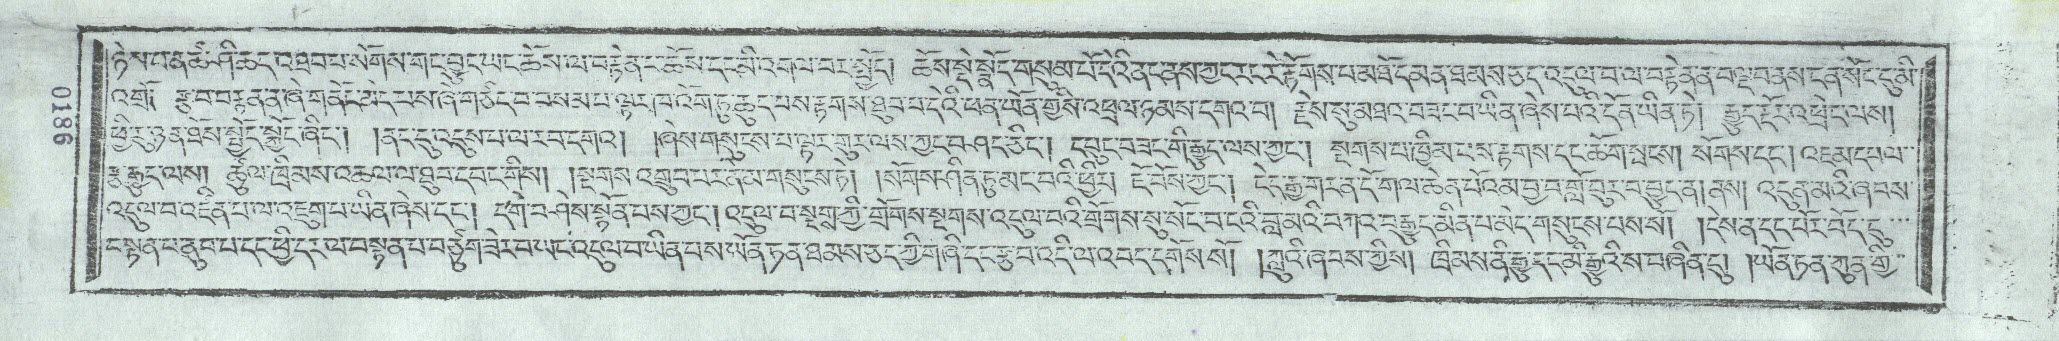ཉེས་པ་ན་ཚ་ཤི་ཆད་འཐབ་པ་སོགས་གང་བྱུང་ཡང་ཆོས་ལ་བརྟེན་པ་ཆོས་དང་མི་འགལ་བར་སྤྱོད། ཆོས་སྡེ་སྣོད་གསུམ་པོ་དེའི་ནང་ནས་ཀྱང་རང་རེ་རྟོགས་པ་མཐོ་དམན་ཐམས་ཅད་འདུལ་བ་ལ་བརྟེན་ན་བལྡབ་ནས་ངན་སོང་དུ་མི་
འགྲོ། རྩ་བ་བརྟན་ན་ཞེ་གནོད་མེད་པས་ཞེ་གཙང་བ་བསམ་པ་ལྟར་ཁ་འོག་ཏུ་ཆུད་པས་རྟགས་ཐུབ་པ་དེའི་ཕན་ཡོན་གྱིས་འཕྲལ་ཉམས་དགའ་བ། རྗེས་སུ་མཐའ་བཟང་བ་ཡིན་ཞེས་པའི་དོན་ཡིན་ཏེ། རྒྱུད་རྡོར་འཕྲེང་ལས།
ཕྱི་རུ་ཉན་ཐོས་སྤྱོད་སྐྱོང་ཞིང་། །ནང་དུ་འདུས་པ་ལ་རབ་དགའ། །ཞེས་གསུངས་པ་ལྟར་གུར་ལས་ཀྱང་བཤད་ཅིང་། དཔུང་བཟང་གི་རྒྱུད་ལས་ཀྱང་། སྔགས་པ་ཁྱིམ་པས་རྟགས་དང་ཆོ་ག་སྤངས། སོགས་དང་། འཇམ་དཔལ་
རྩ་རྒྱུད་ལས། ཚུལ་ཁྲིམས་འཆལ་ལ་ཐུབ་དབང་གིས། །སྔགས་འགྲུབ་པར་ནི་མ་གསུངས་ཏེ། །སོགས་ཤིན་ཏུ་མང་བའི་ཕྱིར། ཇོ་བོས་ཀྱང་། དེད་རྒྱ་གར་ན་དོ་གལ་ཆེན་པོའམ་བྱ་བ་བློ་བུར་བ་བྱུང་ན། ནས། འདུན་མའི་ཞབས་
འདུལ་བ་འཛིན་པ་ལ་འཇུག་པ་ཡིན་ཞེས་དང་། དགེ་བཤེས་སྟོན་པས་ཀྱང་། འདུལ་བ་སྔགས་ཀྱི་གྲོགས་སྔགས་འདུལ་བའི་གྲོགས་སུ་སོང་བ་ངའི་བླ་མའི་བཀའ་བརྒྱུད་མིན་པ་མེད་གསུངས་པས་སོ། །དེས་ན་དང་པོར་བོད་དུ་
བསྟན་པ་ནུབ་པ་དང་ཕྱི་དར་ལ་བསྟན་པ་བཙུག་ཟེར་བ་ཡང་འདུལ་བ་ཡིན་པས་ཡོན་ཏན་ཐམས་ཅད་ཀྱི་གཞི་དང་རྩ་བ་འདི་ལ་འབད་དགོས་སོ། །ཀླུའི་ཞབས་ཀྱིས། ཁྲིམས་ནི་རྒྱུ་དང་མི་རྒྱུའི་ས་བཞིན་དུ། །ཡོན་ཏན་ཀུན་གྱི་